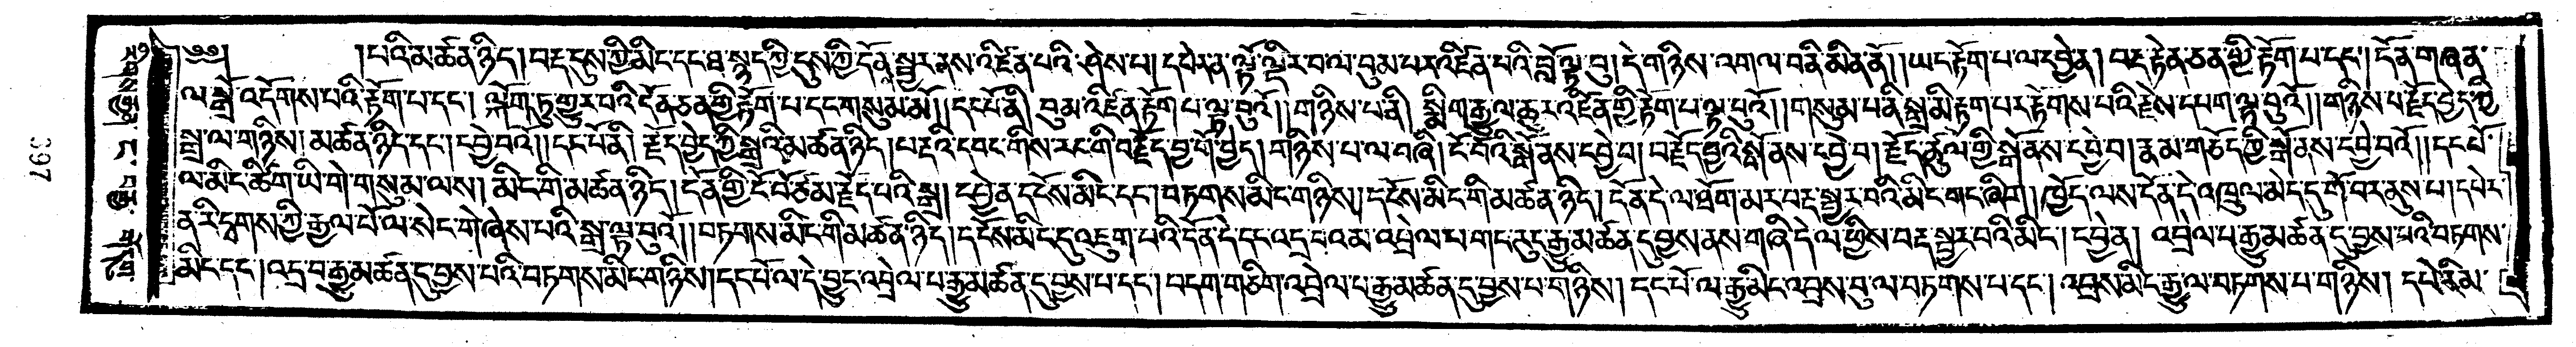༄༅། །པའི་མཚན་ཉིད། བརྡ་དུས་ཀྱི་མིང་དང་ཐ་སྙད་ཀྱི་དུས་ཀྱི་དོན་སྦྱར་ནས་འཛིན་པའི་ཤེས་པ། དཔེར་ན་ལྟོ་ལྡིར་བ་ལ་བུམ་པར་འཛིན་པའི་བློ་ལྟ་བུ། དེ་གཉིས་འགལ་བ་ནི་མིན་ནོ། །ཡང་རྟོག་པ་ལ་དབྱེ་ན། བརྡ་རྟེན་ཅན་གྱི་རྟོག་པ་དང་། དོན་གཞན་
ལ་སྒྲོ་འདོགས་པའི་རྟོག་པ་དང་། ལྐོག་ཏུ་གྱུར་པའི་དོན་ཅན་གྱི་རྟོག་པ་དང་གསུམ་མོ། །དང་པོ་ནི། བུམ་འཛིན་རྟོག་པ་ལྟ་བུའོ། །གཉིས་པ་ནི། སྨིག་རྒྱུ་ལ་ཆུར་འཛིན་གྱི་རྟོག་པ་ལྟ་བུའོ། །གསུམ་པ་ནི་སྒྲ་མི་རྟག་པར་རྟོགས་པའི་རྗེས་དཔག་ལྟ་བུའོ། །གཉིས་པ་རྗོད་བྱེད་ཀྱི་
སྒྲ་ལ་གཉིས། མཚན་ཉིད་དང་། དབྱེ་བའོ། །དང་པོ་ནི། རྗོད་བྱེད་ཀྱི་སྒྲའི་མཚན་ཉིད། བརྡའི་དབང་གིས་རང་གི་བརྗོད་བྱ་གོ་བྱེད། གཉིས་པ་ལ་བཞི། ངོ་བོའི་སྒོ་ནས་དབྱེ་བ། བརྗོད་བྱའི་སྒོ་ནས་དབྱེ་བ། རྗོད་ཚུལ་གྱི་སྒོ་ནས་དབྱེ་བ། རྣམ་གཅོད་ཀྱི་སྒོ་ནས་དབྱེ་བའོ། །དང་པོ་
ལ་མིང་ཚིག་ཡི་གེ་གསུམ་ལས། མིང་གི་མཚན་ཉིད། དོན་གྱི་ངོ་བོ་ཙམ་རྗོད་པའི་སྒྲ། དབྱེ་ན་དངོས་མིང་དང་། བཏགས་མིང་གཉིས། དངོས་མིང་གི་མཚན་ཉིད། དོན་དེ་ལ་ཐོག་མར་བརྡ་སྦྱར་བའི་མིང་གང་ཞིག །ཁྱོད་ལས་དོན་དེ་འཁྲུལ་མེད་དུ་གོ་བར་ནུས་པ། དཔེར་
ན་རི་དྭགས་ཀྱི་རྒྱལ་པོ་ལ་སེང་གེ་ཞེས་པའི་སྒྲ་ལྟ་བུའོ། །བཏགས་མིང་གི་མཚན་ཉིད། དངོས་མིང་དུ་འཇུག་པའི་དོན་དེ་དང་འདྲ་བའམ་འབྲེལ་བ་གང་རུང་རྒྱུ་མཚན་དུ་བྱས་ནས་གཞི་དེ་ལ་ཕྱིས་བརྡ་སྦྱར་བའི་མིང་། དབྱེ་ན། འབྲེལ་པ་རྒྱུ་མཚན་དུ་བྱས་པའི་བཏགས་
མིང་དང་། འདྲ་བ་རྒྱུ་མཚན་དུ་བྱས་པའི་བཏགས་མིང་གཉིས། དང་པོ་ལ་དེ་བྱུང་འབྲེལ་པ་རྒྱུ་མཚན་དུ་བྱས་པ་དང་། བདག་གཅིག་འབྲེལ་པ་རྒྱུ་མཚན་དུ་བྱས་པ་གཉིས། དང་པོ་ལ་རྒྱུ་མིང་འབྲས་བུ་ལ་བཏགས་པ་དང་། འབྲས་མིང་རྒྱུ་ལ་བཏགས་པ་གཉིས། དཔེ་རིམ་